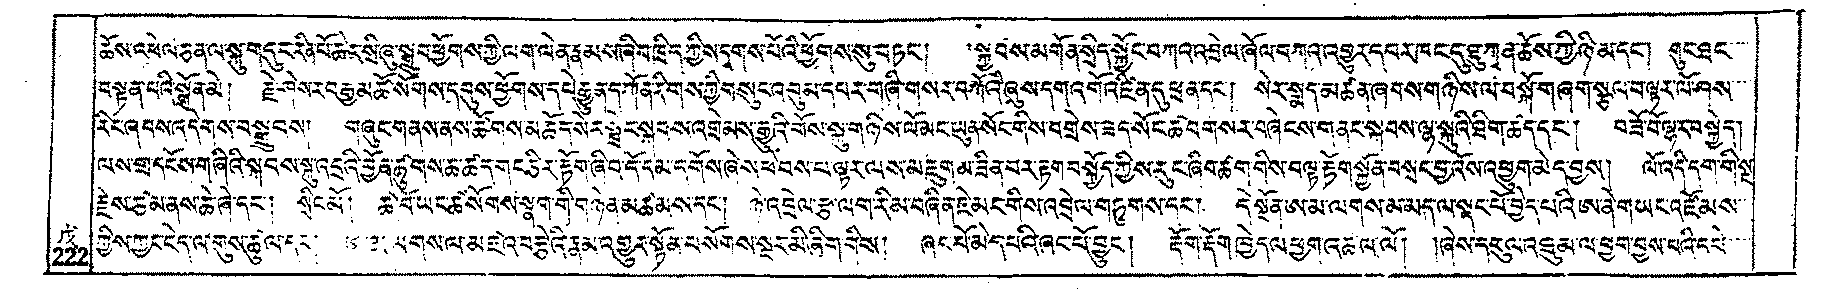ཆོས་འཕེལ་ཅན་ལ་སྐུ་གདུང་རིན་པོ་ཆེར་སྲི་ཞུ་སྒྲུབ་ཕྱོགས་ཀྱི་ལག་ལེན་རྣམས་ཞིབ་ཁྲིད་ཀྱིས་དྭགས་པོའི་ཕྱོགས་སུ་བཏང་། ༧སྐྱབས་མགོན་སྲིད་སྐྱོང་བཀའ་འབྲེལ་ཞོལ་བཀའ་འགྱུར་དཔར་ཁང་དུ་ཐུ་ཀྭན་ཆོས་ཀྱི་ཉི་མ་དང་། གུང་ཐང་
བསྟན་པའི་སྒྲོན་མེ། རྗེ་ཤེས་རབ་རྒྱ་མཚོ་སོགས་དབུས་ཕྱོགས་དཔེ་རྒྱུན་དཀོན་རིགས་ཀྱི་གསུང་འབུམ་དཔར་གཞི་གསར་བརྐོའི་ཞུས་དགའ་གོ་འཛིན་དུ་ཕྲན་དང་། སེར་སྨད་མཚན་ཞབས་གཉིས་ལ་བསྐོ་གཞག་སྩལ་བ་ལྟར་ལོ་ཤས་
རིང་ཞབས་འདེགས་བསྒྲུབས། གཞུང་གནས་ནས་ཚོགས་མཆོད་སེར་སྦྲེང་སྐབས་འགྲེམས་རྒྱུའི་གོས་སྐུ་གཉིས་ལོ་མང་ཡུན་སོང་གིས་བགྲེས་ཟད་སོང་ཚབ་གསར་བཞེངས་གནང་སྐབས་ལྷ་སྐུའི་ཐིག་ཚད་དང་། བཟོ་བོ་ལྷར་བསྐྱེད།
ལས་གྲ་དངོས་གཞིའི་སྐབས་སྐུ་འདྲའི་བྱོན་ཚུགས་ཆ་ཚད་གང་ཅིར་རྟོག་ཞིབ་དོ་དམ་དགོས་ཞེས་ཕེབས་པ་ལྟར་ལས་མཇུག་མ་ཟིན་པར་རྟག་བསྐྱོད་ཀྱིས་རུང་ཞིབ་ཚག་གིས་བལྟ་རྟོག་སྐྱོན་བསྲང་བྱ་འོས་འཕྱུག་མེད་བྱས། ལོ་འདི་དག་གི་སྔ་
རྗེས་ཙམ་ནས་ཆེ་ཞེ་དང་། སྲིང་མོ། ཚ་བོ་ཡང་ཚ་སོགས་སྣག་གི་གཉེན་མཚམས་དང་། ཉེ་འབྲེལ་རྩ་ལག་རིམ་བཞིན་ཇེ་མང་གིས་འབྲེལ་གཏུགས་དང་། དེ་སྔོན་ཨ་མ་ལགས་མ་མད་ལ་སྡང་པོ་བྱེད་པའི་ཨ་ནེ་གཡང་འཛོམས་
ཀྱིས་ཀྱང་ངེད་ལ་གུས་ཚུལ་དང་། ཨ་མ་ལགས་ལ་མཛའ་བརྩེའི་རྣམ་འགྱུར་སྟོན་པ་སོགས་སྔར་མི་ཞིག་གིས། ཞང་པོ་མེད་པའི་ཞང་པོ་བྱུང་། རྡོག་རྡོག་ཁྱེད་ལ་ཕྱག་འཚལ་ལོ། །ཞེས་དངུལ་འཐུམ་ལ་ཕྱག་བྱས་པའི་དཔེ་